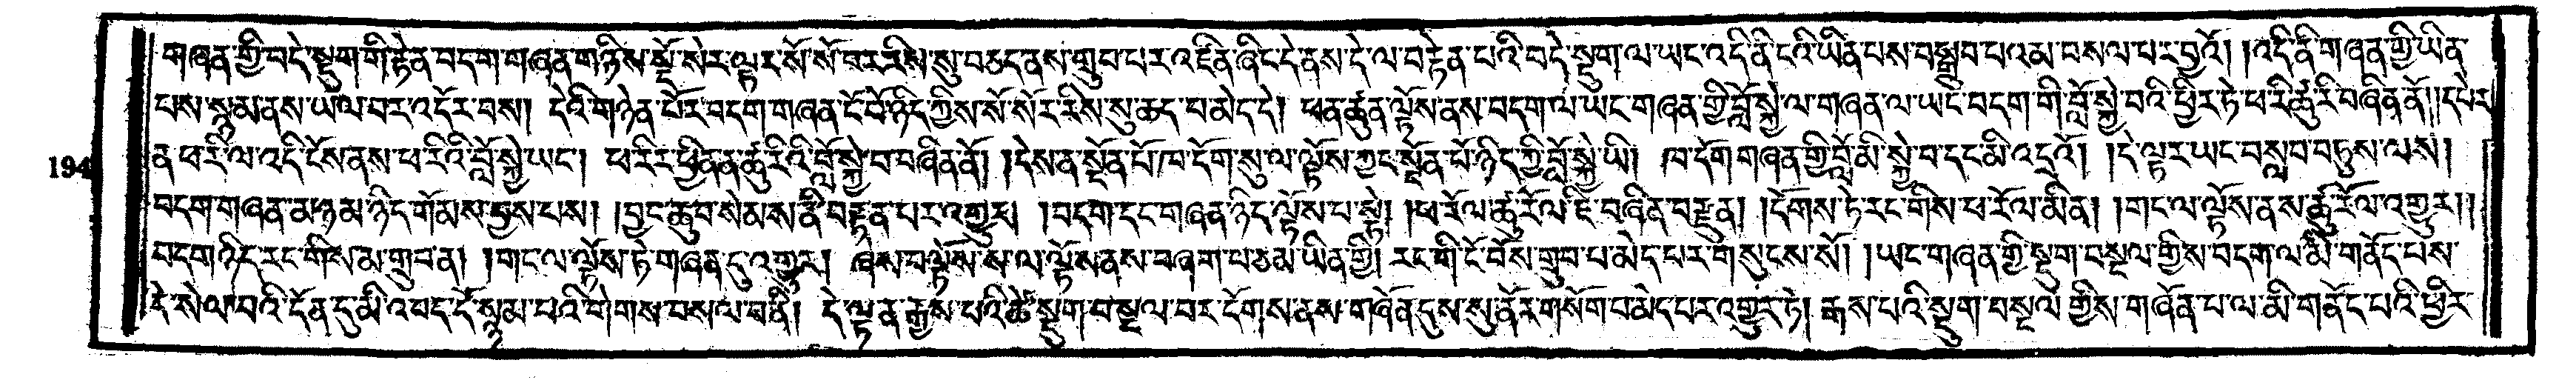གཞན་གྱི་བདེ་སྡུག་གི་རྟེན་བདག་གཞན་གཉིས་སྡོ་སེར་ལྟར་སོ་སོ་བར་རིས་སུ་བཅད་ནས་གྲུབ་པར་འཛིན་ཞིང་དེ་ནས་དེ་ལ་བརྟེན་པའི་བདེ་སྡུག་ལ་ཡང་འདི་ནི་ངའི་ཡིན་པས་བསྒྲུབ་པའམ་བསལ་པར་བྱའོ། །འདི་ནི་གཞན་གྱི་ཡིན་
པས་སྙམ་ནས་ཡལ་བར་འདོར་བས། དེའི་གཉེན་པོར་བདག་གཞན་ངོ་བོ་ཉིད་ཀྱིས་སོ་སོར་རིས་སུ་ཆད་པ་མེད་དེ། ཕན་ཚུན་ལྟོས་ནས་བདག་ལ་ཡང་གཞན་གྱི་བློ་སྐྱེ་ལ་གཞན་ལ་ཡང་བདག་གི་བློ་སྐྱེ་བའི་ཕྱིར་ཏེ་ཕ་རི་ཚུ་རི་བཞིན་ནོ། །དཔེར་
ན་ཕ་རི་ལ་འདི་ངོས་ནས་ཕ་རིའི་བློ་སྐྱེ་ཡང་། ཕ་རིར་ཕྱིན་ན་ཚུ་རིའི་བློ་སྐྱེ་བ་བཞིན་ནོ། །དེས་ན་སྔོན་པོ་ཁ་དོག་སུ་ལ་ལྟོས་ཀྱང་སྔོན་པོ་ཉིད་ཀྱི་བློ་སྐྱེ་ཡི། ཁ་དོག་གཞན་གྱི་བློ་མི་སྐྱེ་བ་དང་མི་འདྲའོ། །དེ་ལྟར་ཡང་བསླབ་བཏུས་ལས།
བདག་གཞན་མཉམ་ཉིད་གོམས་བྱས་པས། །བྱང་ཆུབ་སེམས་ནི་བརྟན་པར་འགྱུར། །བདག་དང་གཞན་ཉིད་ལྟོས་པ་སྟེ། །ཕ་རོལ་ཚུ་རོལ་ཇི་བཞིན་བརྫུན། །དོགས་ཏེ་རང་གིས་ཕ་རོལ་མིན། །གང་ལ་ལྟོས་ནས་ཚུ་རོལ་འགྱུར།།
བདག་ཉིད་རང་གིས་མ་གྲུབ་ན། །གང་ལ་ལྟོས་ཏེ་གཞན་དུ་འགྱུར། ཞེས་བལྟོས་ས་ལ་ལྟོས་ནས་བཞག་པ་ཙམ་ཡིན་གྱིས། རང་གི་རང་གི་ངོ་བོས་གྲུབ་པ་མེད་པར་གསུངས་སོ། །ཡང་གཞན་གྱི་སྡུག་བསྔལ་གྱིས་བདག་ལ་མི་གནོད་པས་
དེ་སེལ་བའི་དོན་དུ་མི་འབད་དོ་སྙམ་པའི་གེགས་བསལ་བ་ནི། དེ་ལྟ་ན་རྒྱས་པའི་ཚེ་སྡུག་བསྔལ་བར་དོགས་ནས་གཞོན་དུས་སུ་ནོར་གསོག་པ་མེད་པར་འགྱུར་ཏེ། རྒས་པའི་སྡུག་བསྔལ་གྱིས་གཞོན་པ་ལ་མི་གནོད་པའི་ཕྱིར་